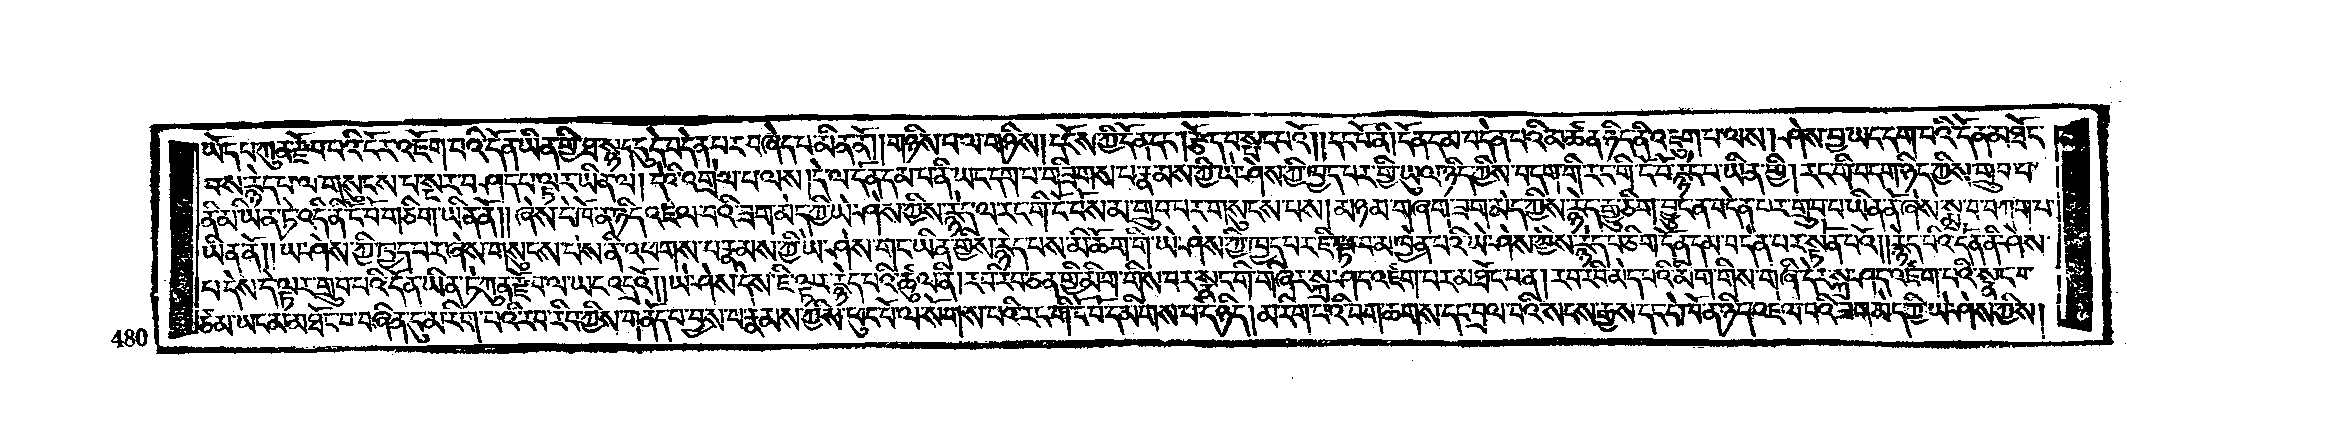ཡོད་པ་ཀུན་རྫོབ་པའི་ངོར་འཇོག་པའི་དོན་ཡིན་གྱི་ཐ་སྙད་དུ་དེ་བདེན་པར་བཞེད་པ་མིན་ནོ། །གཉིས་པ་ལ་གཉིས། དངོས་ཀྱི་དོན་དང་། རྩོད་པ་སྤང་པའོ། །དང་པོ་ནི། དོན་དམ་བདེན་པའི་མཚན་ཉིད་ནི་འཇུག་པ་ལས། ཤེས་བྱ་ཡང་དག་པའི་དོན་མཐོང་
པས་རྙེད་པ་ལ་གསུངས་པ་སྔར་བཤད་པ་ལྟར་ཡིན་ལ། དེའི་འགྲེལ་པ་ལས། དེ་ལ་དོན་དམ་པ་ནི་ཡང་དག་པ་གཟིགས་པ་རྣམས་ཀྱི་ཡེ་ཤེས་ཀྱི་ཁྱད་པར་གྱི་ཡུལ་ཉིད་ཀྱིས་བདག་གི་རང་གི་ངོ་བོ་རྙེད་པ་ཡིན་གྱི། རང་གི་བདག་ཉིད་ཀྱིས་གྲུབ་པ་
ནི་མ་ཡིན་ཏེ་འདི་ནི་ངོ་བོ་གཅིག་ཡིན་ནོ། །ཞེས་དེ་ཁོ་ན་ཉིད་འཇལ་བའི་ཟག་མེད་ཀྱི་ཡེ་ཤེས་ཀྱིས་རྙེད་ལ་རང་གི་ངོ་བོས་མ་གྲུབ་པར་གསུངས་པས། མཉམ་གཞག་ཟག་མེད་ཀྱིས་རྙེད་རྒྱུ་ཅིག་བྱུང་ན་བདེན་པར་གྲུབ་པ་ཡིན་ནོ་ཞེས་སྨྲ་བ་བཀག་པ་
ཡིན་ནོ། །ཡ་ཤེས་ཀྱི་ཁྱད་པར་ཞེས་གསུངས་པས་ནི་འཕགས་པ་རྣམས་ཀྱི་ཡེ་ཤེས་གང་ཡིན་གྱིས་རྙེད་པས་མི་ཆོག་གི་ཡེ་ཤེས་ཀྱི་ཁྱད་པར་ཇི་ལྟ་བ་མཁྱེན་པའི་ཡེ་ཤེས་ཀྱིས་རྙེད་པ་ཅིག་དོན་དམ་བདེན་པར་སྟོན་པའོ། །རྙེད་པའི་དོན་ནི་ཤེས་
པ་དེས་དེ་ལྟར་གྲུབ་པའི་དོན་ཡིན་ཏེ་ཀུན་རྫོབ་ལ་ཡང་འདྲའོ། །ཡེ་ཤེས་དེས་ཇི་ལྟར་རྙེད་པའི་ཚུལ་ནི། རབ་རིབ་ཅན་གྱི་མིག་གིས་བར་སྣང་གི་གཞིར་སྐྲ་ཤད་འཛག་པར་མཐོང་བ་ན། རབ་རིབ་མེད་པའི་མིག་གིས་གཞི་དེར་སྐྲ་ཤད་འཇིག་པའི་སྣང་བ་
ཙམ་ཡང་མ་མཐོང་བ་བཞིན་དུ་མ་རིག་པའི་རབ་རིབ་ཀྱིས་གནོད་པ་བྱས་པ་རྣམས་ཀྱིས་ཕུང་པོ་ལ་སོགས་པའི་རང་གི་ངོ་བོ་དམིགས་པ་དེ་ཉིད། མ་རིག་པའི་བག་ཆགས་དང་བྲལ་བའི་སངས་རྒྱས་དང་དེ་ཁོ་ན་ཉིད་འཇལ་བའི་ཟག་མེད་ཀྱི་ཡེ་ཤེས་ཀྱིས།